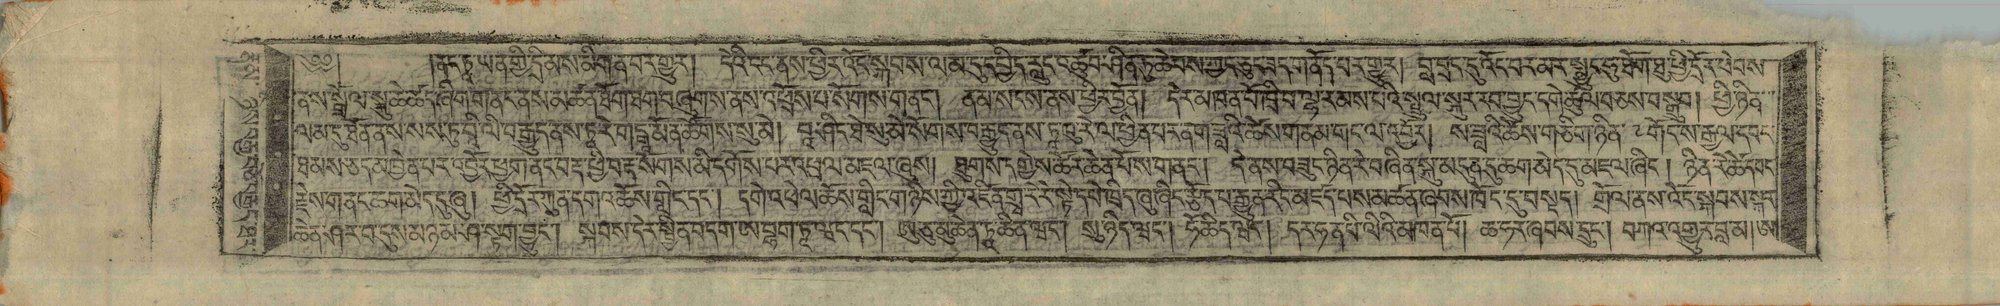༄༅། །ནང་ཏཱ་ཡན་གྱི་དྲི་མས་མིག་ན་བར་གྱུར། དེའི་ངང་ནས་ཕྱིར་འོང་སྐབས་ལམ་དུ་དཔྱིད་རླུང་འཚུབ་ཤིན་ཏུ་ཆེ་བས་ཀྱང་ཅུང་ཟད་གནོད་པར་གྱུར། བླ་བྲང་དུ་འོང་བར་མར་སྨྱུང་ཧུ་ཐོག་ཐུ་ཕྱི་དྲོར་ཕེབས་
ནས་སྒྲོལ་སྐུ་ཆེ་ཚད་ཞིག་གནང་ནས་མཚན་ཐོག་ཐག་བཞུགས་ནས་འཕྲོས་པ་སོགས་གནང་། ནམ་སངས་ནས་ཕྱིར་བྱོན། དེར་མཁན་པོ་ཁྲི་བ་ལྷ་རམས་པའི་སྤྲུལ་སྐུར་རབ་བྱུང་དགེ་ཚུལ་བཅས་བསྒྲུབ། ཕྱི་ཉིན་
ལམ་དུ་ཐོན་ནས་སས་ཏུ་བཱི་ལི་བརྒྱུད་ནས་ཏཱ་རེ་གངྒཱ་མོན་ཚོགས་སུ་མེ། བཱ་ཤིང་ཐེ་སུ་མེ་སོགས་བརྒྱུད་ནས་ཏཱ་ཁུ་རེ་ལ་ཕྱིན་པར་ནག་ཟླའི་ཚེས་གནམ་གང་ལ་འབྱོར། ས་ཟླའི་ཚེས་གཅིག་ཉིན་༧གོང་ས་རྒྱལ་དབང་
ཐམས་ཅད་མཁྱེན་པར་འབྱོར་ཕྱག་ནང་བརྡ་ཕྱི་བརྡ་སོགས་མི་དགོས་པར་འཕྲལ་མཇལ་ཞུས། ཐུགས་དགྱེས་ཚོར་ཆེན་པོས་གནང་། དེ་ནས་བཟུང་ཉིན་རེ་བཞིན་སྐུ་མདུན་དུ་ཆག་མེད་དུ་མཇལ་ཞིང་། ཉིན་རེ་ཚེ་དབང་
རྗེས་གནང་ཆག་མེད་དུ་ཞུ། ཕྱི་དྲོར་ཀུན་དགའ་ཆོས་གླིང་དང་། དགེ་འཕེལ་ཆོས་གླིང་གཉིས་ཀྱི་འཛིན་གྲྭ་རེ་རེ་སྟེ་དཔེ་ཁྲིད་ཞུ་ཞིང་རྩོད་པ་རྒྱུན་རིང་མཛད་པས་མཚན་ཞབས་ཁོང་དུ་བསྡད། གྲོལ་ནས་འོང་སྐབས་སྐར་
ཆེན་ཤར་བ་དུས་མཉམ་ཤ་སྟག་བྱུང་། སྐབས་དེར་སྦྱིན་བདག་ཨ་བྷག་ཏཱ་ཝང་དང་། ཨུ་ཅུ་མུ་ཆེན་ཏཱ་ཆིན་ཝང་། སུ་ཉིད་ཝང་། ཧོ་ཆིད་ཝང་། དར་ཧན་པི་ལིའི་མཁན་པོ། ཆ་ཧར་ཞབས་དྲུང་། བཀའ་འགྱུར་བླ་མ། ཨ་